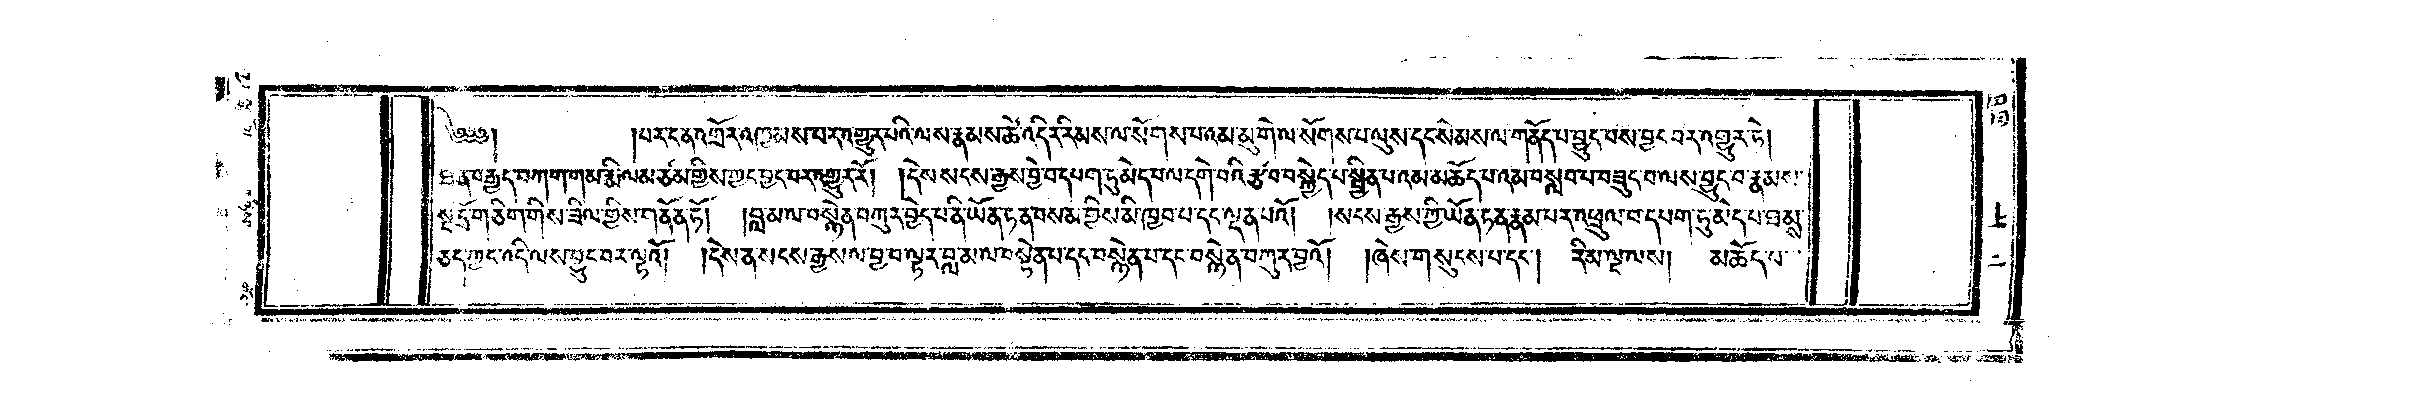༄༅༅། །པར་ངན་འགྲོར་འཁྱམས་པར་འགྱུར་པའི་ལས་རྣམས་ཚེ་འདིར་རིམས་ལ་སོགས་པའམ་མུ་གེ་ལ་སོགས་པ་ལུས་དང་སེམས་ལ་གནོད་པ་བྱུང་བས་བྱང་བར་འགྱུར་ཏེ།
ཐ་ན་བརྒྱད་བཀག་གམ་རྨི་ལམ་ཙམ་གྱིས་ཀྱང་བྱང་བར་འགྱུར་རོ། །དེས་སངས་རྒྱས་བྱེ་བ་དཔག་ཏུ་མེད་པ་ལ་དགེ་བའི་རྩ་བ་བསྐྱེད་པ་སྦྱིན་པ་འམ་མཆོད་པ་འམ་བསླབ་པ་བཟུང་བ་ལས་བྱུང་བ་རྣམས་
སྔ་དྲོ་གཅིག་གིས་ཟིལ་གྱིས་གནོན་ཏོ། །བླ་མ་ལ་བསྙེན་བཀུར་བྱེད་པ་ནི་ཡོན་ཏན་བསམ་གྱིས་མི་ཁྱབ་པ་དང་ལྡན་པའོ། །སངས་རྒྱས་ཀྱི་ཡོན་ཏན་རྣམ་པར་འཕྲུལ་བ་དཔག་ཏུ་མེད་པ་ཐམས་
ཅད་ཀྱང་འདི་ལས་བྱུང་བར་ལྟའོ། །དེས་ན་སངས་རྒྱས་ལ་བྱ་བ་ལྟར་བླ་མ་ལ་བསྟེན་པ་དང་བསྙེན་པ་དང་བསྙེན་བཀུར་བྱའོ། །ཞེས་གསུངས་པ་དང་། རིམ་ལྔ་ལས། མཆོད་པ་